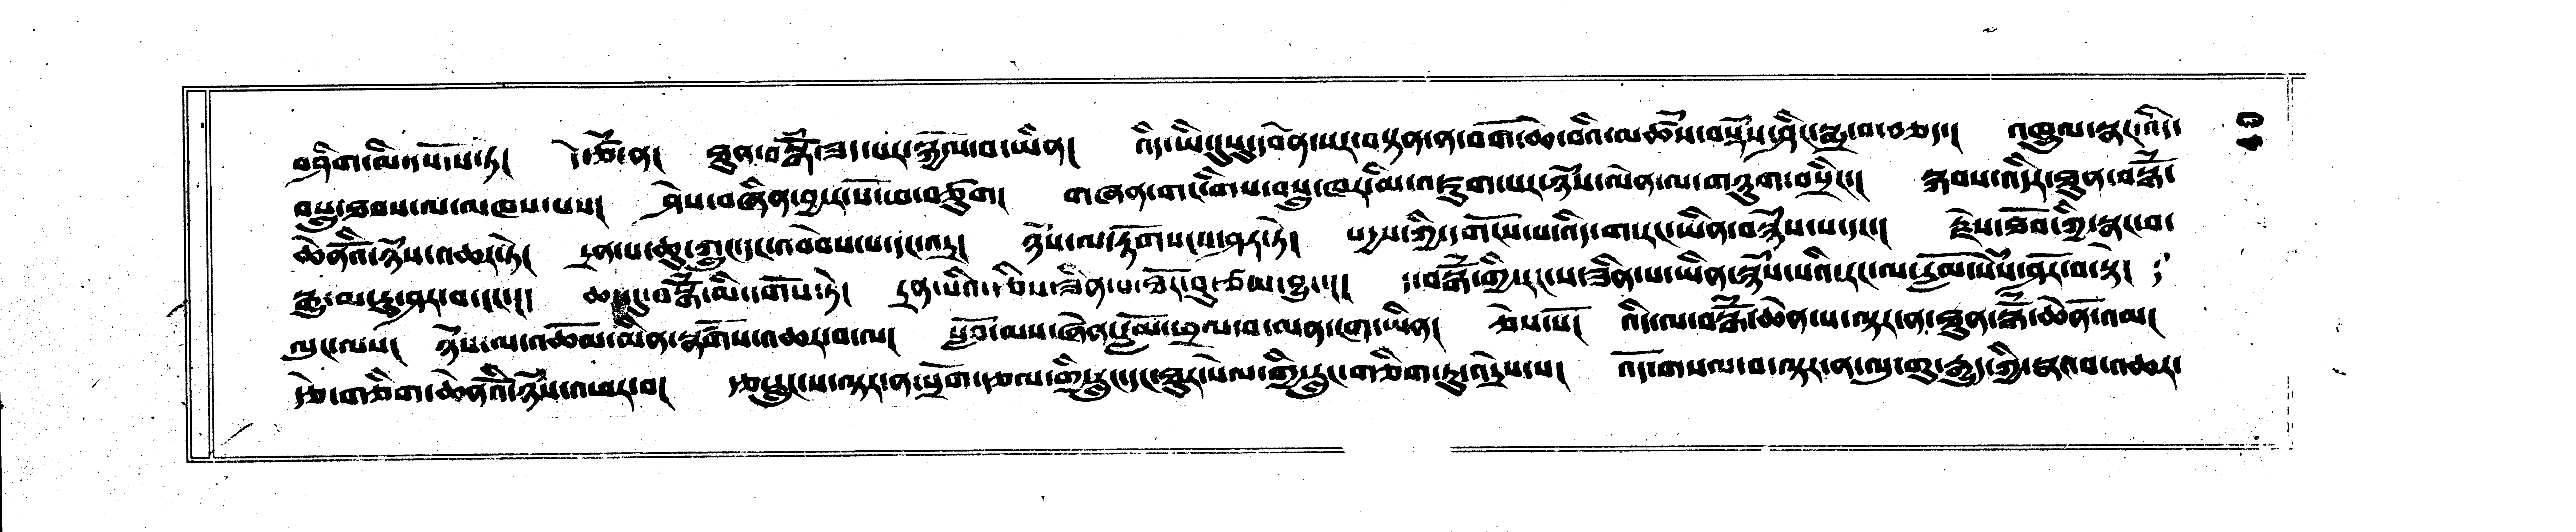བཤིགས་མི་དགོས་པར། དེ་ཙམ་ན་ཐུན་སྒོམ་ཟད་སར་སྐྱོལ་བ་ཡིན། འདི་ཡི་དུས་སུ་དབེན་པར་བསྟེན་ན་བོགས་ཆེ་བས་མཚམས་བསྡམས་ཤིང་སྨྲ་བ་བཅད། འཁྲུལ་སྣང་འདི་
བསླུ་ཐབས་ལ་མཁས་པས། ཤེས་བཞིན་བྱ་ར་སོ་པ་བཙུགས། གཞན་གང་གིས་བསླུ་བར་མི་འཇུག་པར་ཉམས་ལེན་ལ་གཉུག་བསྲིང་། སྐབས་འདིར་ཐུན་སྒོམ་
ཆེན་པོའི་ཉམས་འཆར་ཏེ། དྲན་པ་ཆུ་ཀླུང་དང་འབེབས་པ་དང་འདྲ། ཉམས་ལ་རྟོག་པ་ཤར་ཏེ། སངས་རྒྱས་ཀྱི་དགོངས་པ་འདི་ག་རང་ཡིན་སྙམ་པ་དང་། རྗེས་ཐོབ་ཀྱི་སྣང་བ་
སྒྱུ་མ་རུ་ཤར་བ་དང་། ཆེད་དུ་བསྒོམ་མི་དགོས་ཏེ། དྲན་པའི་རྩིས་ཟིན་པ་ཐོར་བུ་ཙམ་འབྱུང་། ད་སྒོམ་གྱི་རང་ས་ཟིན་པ་ཡིན་སྙམ་པའི་རང་ལ་རློམ་སེམས་ཤོར་བ་སྟེ།
 ལུང་ལས། ཉམས་ལ་འཆོལ་མིན་སྣ་ཚོགས་འཆར་བ་ལ། སློབ་མས་ཞེན་རློམ་བྲལ་བ་མན་ངག་ཡིན། ཅེས་སོ། །འདི་ལ་སྒོམ་ཆེན་པ་ལྟར་ན། ཐུན་སྒོམ་ཆེན་པོའམ། 
རྩེ་གཅིག་ཆེན་པོའི་ཉམས་འཕར་ལ། རྩ་རླུང་པ་ལྟར་ན་སྲོག་རྩོལ་གྱི་རླུང་དང་ཐུར་སེལ་གྱི་རླུང་གཅིག་ཏུ་འདྲེས་པ། འོད་གསལ་བ་ལྟར་ན་ལུ་གུ་རྒྱུད་ཀྱི་སྣང་བ་འཆར་